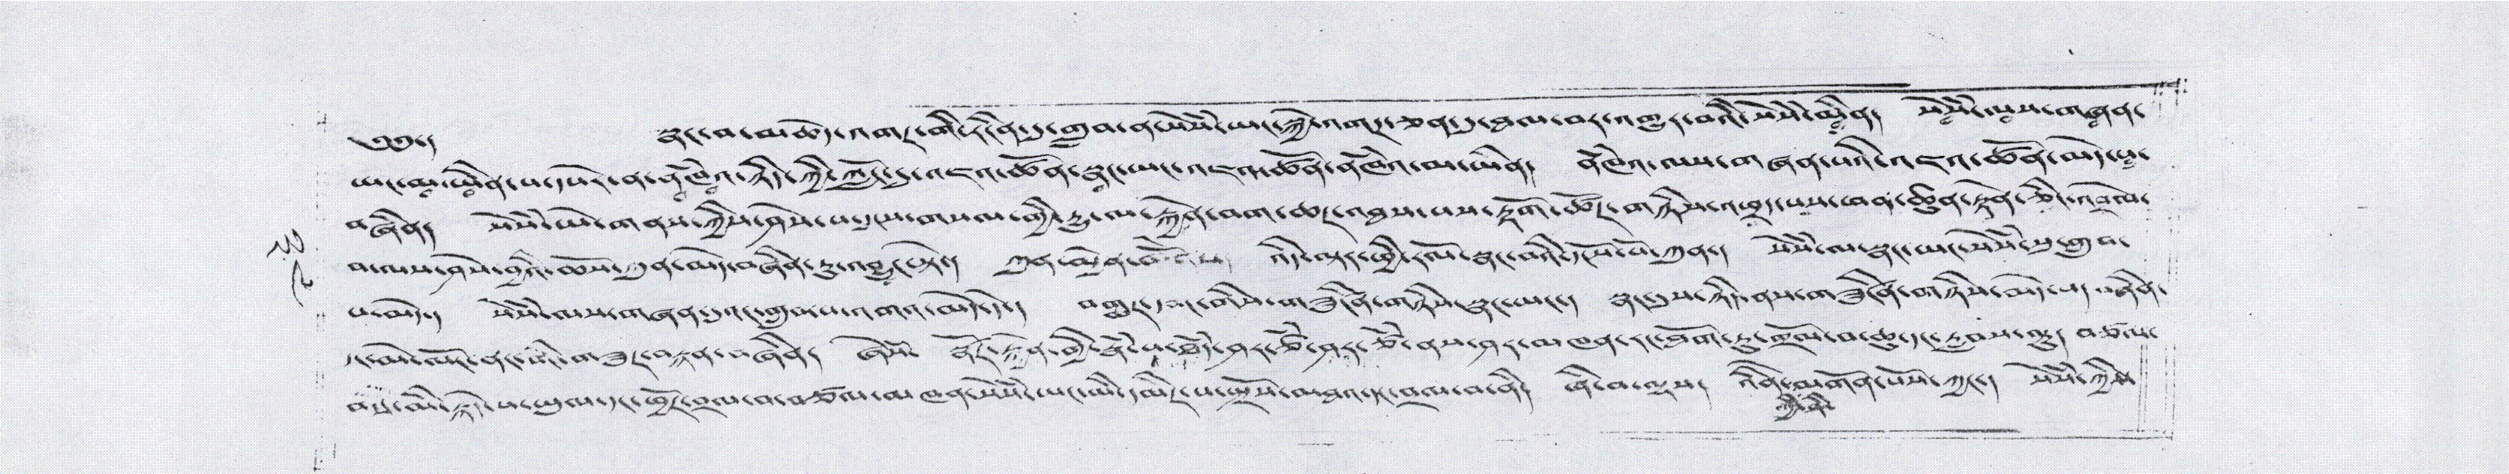སྣང་བ་སྐྱེ་འགག་གི་རང་བཞིན་དུ་གྲུབ་ན་སེམས་ཡང་སྐྱེ་འགག་ཅན་དུ་ཐལ་བར་འགྱུར་བས་སེམས་མིན། སེམས་ལས་གཞན་
ཡང་མ་ཡིན་པ་དཔེར་ན་ནམ་མཁའ་ཉིད་ཀྱི་ཀློང་དུ་འཇའ་ཚོན་སྣང་ཡང་འཇའ་ཚོན་ནམ་མཁའ་མ་ཡིན། ནམ་མཁའ་ལས་གཞན་པའི་འཇའ་ཚོན་མེད་པ་
བཞིན། སེམས་ཡེ་གནས་ཀྱི་ཤེས་པ་དྭངས་གསལ་གྱི་རྒྱུ་ལ་རྐྱེན་བག་ཆགས་འཐས་པས་རྟོག་ཚོགས་གཉིས་འཕྲད་པས་ཕན་ཚུན་རྟེན་ཅིང་འབྲེལ་
བ་ལས་ཤེས་བྱའི་ཆོས་ཀུན་མེད་བཞིན་དུ་འབྱུང་སྟེ། ཀུན་མཁྱེན་ཆེན་པོས། འདི་ལྟར་ཕྱི་རོལ་སྣང་བའི་དངོས་པོ་ཀུན། སེམས་ལ་སྣང་ཡང་སེམས་སུ་གྲུབ་
པ་མེད། སེམས་ལས་གཞན་དུའང་གྲུབ་པ་འགའ་མེད་དེ། བག་ཆགས་དབང་གིས་གཟུང་འཛིན་གཉིས་སྣང་ཡང་། སྣང་དུས་གཉིས་ནས་གཟུང་འཛིན་གཉིས་མེད་པར། བཞིན་
དང་མེ་ལོང་ནང་གི་གཟུགས་བརྙན་བཞིན། ཞེས་སོ། སྣ་ཚོགས་རྐྱེན་གྱི་རྣམ་པ་ཐམས་ཅད་ཤར་ཙམ་ནས་ཤར་མཁན་རང་ཐོག་ཏུ་གྲོལ་བ་ཆུ་དང་རླབས་ལྟ་བུ། བཙལ་
བས་མི་རྙེད་པ་ཡུལ་དང་ཕྱོགས་བྲལ་བ། བཙལ་མཁན་སེམས་ཡང་མི་དམིགས་པ་སྤྲོས་མཐའ་དང་བྲལ་བ་ནི། ཞི་བ་ལྷས། འཇིག་རྟེན་གྱི་ནི་མགོན་པོས་ཀྱང་། སེམས་ཀྱིས་